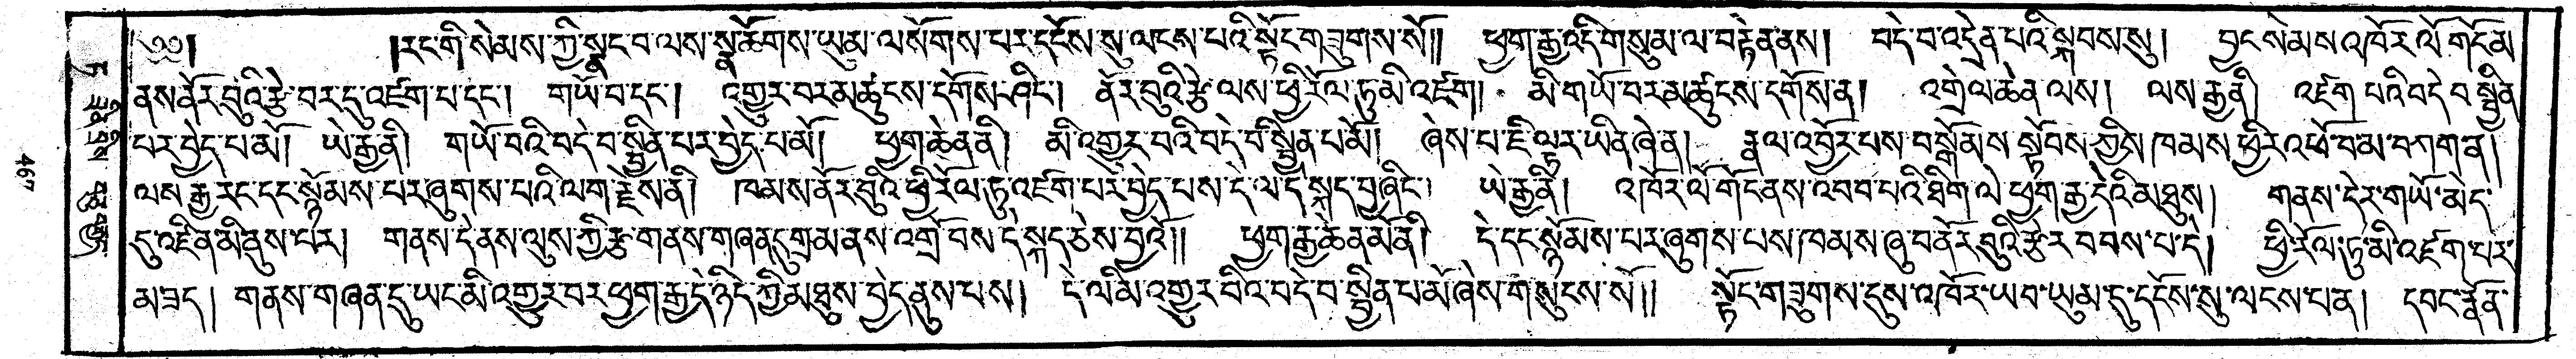༄༅། །རང་གི་སེམས་ཀྱི་སྣང་བ་ལས་སྣ་ཚོགས་ཡུམ་ལ་སོགས་པར་དངོས་སུ་ལངས་པའི་སྟོང་གཟུགས་སོ།། ཕྱག་རྒྱ་འདི་གསུམ་ལ་བརྟེན་ནས། བདེ་བ་འདྲེན་པའི་སྐབས་སུ། བྱང་སེམས་འཁོར་ལོ་གོང་མ་
ནས་ནོར་བུའི་རྩེ་བར་དུ་འཛག་པ་དང་། གཡོ་བ་དང་། འགྱུར་བར་མཚུངས་དགོས་ཤིང་། ནོར་བུའི་རྩེ་ལས་ཕྱི་རོལ་ཏུ་མི་འཛག། མི་གཡོ་བར་མཚུངས་དགོས་ན། འགྲེལ་ཆེན་ལས། ལས་རྒྱ་ནི། འཛག་པའི་བདེ་བ་སྤྱིན་
པར་བྱེད་པ་མོ། ཡེ་རྒྱ་ནི། གཡོ་བའི་བདེ་བ་སྤྱིན་པར་བྱེད་པ་མོ། ཕྱག་ཆེན་ནི། མི་འགྱུར་པའི་བདེ་བ་སྤྱིན་པ་མོ། ཞེས་པ་ཇི་ལྟར་ཡིན་ཞེ་ན། རྣལ་འབྱོར་པས་བསྒོམས་སྟོབས་ཀྱིས་ཁམས་ཕྱིར་འཕོ་བ་མ་བཀག་ན།
ལས་རྒྱ་རང་དང་སྙོམས་པར་ཞུགས་པའི་ལག་རྗེས་ནི། ཁམས་ནོར་བུའི་ཕྱི་རོལ་ཏུ་འཛག་པར་བྱེད་པས་དེ་ལ་དེ་སྐད་བྱ་ཞིང་། ཡེ་རྒྱ་ནི། འཁོར་ལོ་གོང་ནས་འབབ་པའི་ཐིག་ལེ་ཕྱག་རྒྱ་དེའི་མཐུས། གནས་དེར་གཡོ་མེད་
དུ་འཛིན་མི་ནུས་པར། གནས་དེ་ནས་ལུས་ཀྱི་རྩ་གནས་གཞན་དུ་གྲམ་ནས་འགྲོ་བས་དེ་སྐད་ཅེས་བྱའོ།། ཕྱག་རྒྱ་ཆེན་མོ་ནི། དེ་དང་སྙོམས་པར་ཞུགས་པས་ཁམས་ཞུ་བ་ནོར་བུའི་རྩེར་བབས་པ་དེ། ཕྱི་རོལ་ཏུ་མི་འཛག་པར་
མ་ཟད། གནས་གཞན་དུ་ཡང་མི་འགྱུར་བར་ཕྱག་རྒྱ་དེ་ཉིད་ཀྱི་མཐུས་བྱེད་ནུས་པས། དེ་ལ་མི་འགྱུར་བའི་བདེ་བ་སྦྱིན་པ་མོ་ཞེས་གསུངས་སོ།། སྟོང་གཟུགས་དུས་འཁོར་ཡབ་ཡུམ་དུ་དངོས་སུ་ལངས་པ་ན། དབང་རྣོན་